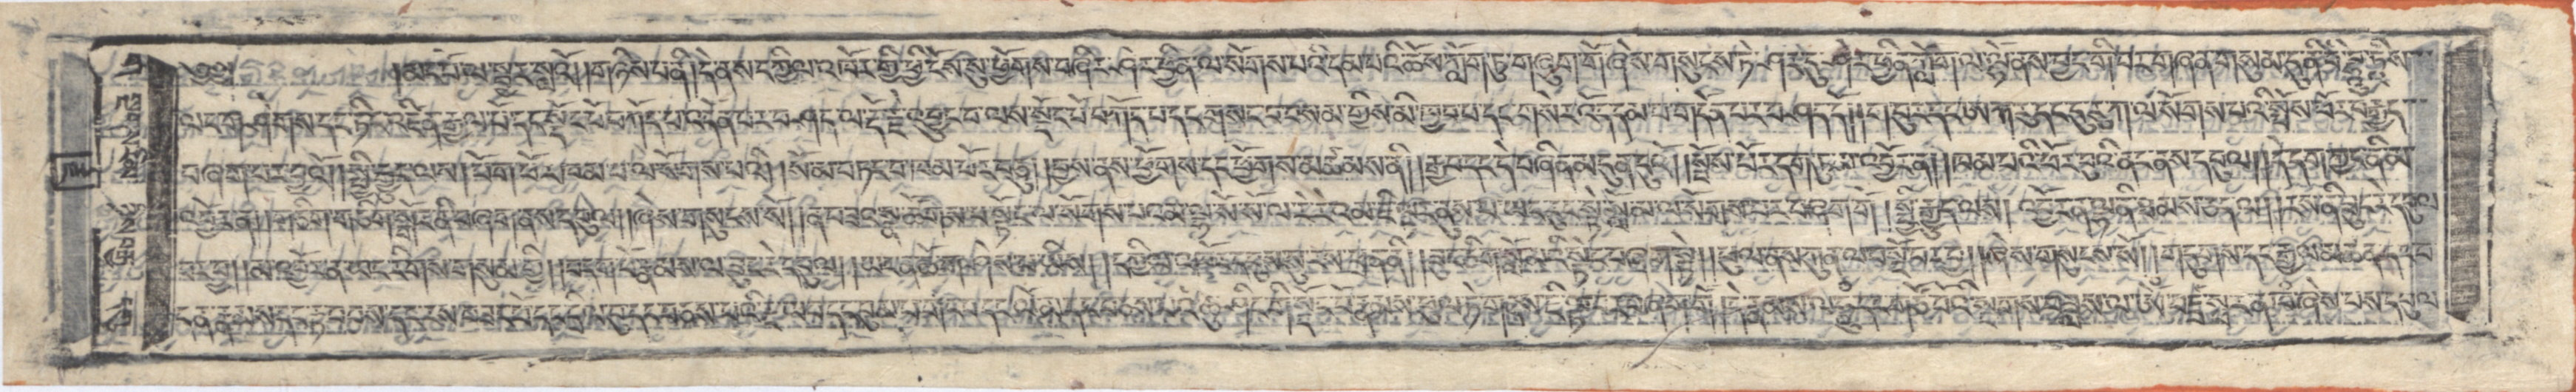༄༅། །མང་པོ་ལ་སྦྱར་སླའོ། །གཉིས་པ་ནི། དེ་ནས་དཀྱིལ་འཁོར་གྱི་ཕྱི་ངོས་སུ་ཕྱོགས་བཞིར་ཤེར་ཕྱིན་ལ་སོགས་པའི་དམ་པའི་ཆོས་ཀློག་ཏུ་གཞུག་གོ་ཞེས་གསུངས་ཏེ་ཤར་དུ་ཤེར་ཕྱིན་ཀློག་ལ་ལྷོ་ནས་བྱང་གི་བར་གཞན་གསུམ་དུ་ནི་བི་བྷཱུ་ཏཱིས་
ལང་གཤེགས་དང་ཏིང་འཛིན་རྒྱལ་པོ་དང་སྡོང་པོ་བཀོད་པ་འདོན་པར་བཤད་ལ་རྡོ་རྗེ་འབྱུང་བ་ལས་སྡོང་པོ་བཀོད་པ་དང་གསང་བ་བསམ་གྱིས་མི་ཁྱབ་པ་དང་གསེར་འོད་དམ་པ་གདོན་པར་བཤད་དོ། །ག་བུར་དང་ཨ་ཀ་རུ་དང་དུ་རུ་ཀ་ལ་སོགས་པའི་སྤོས་ཕོར་བརྒྱད་
བཞག་པར་བྱའོ། །སྤྱི་རྒྱུད་ལས། ཕོག་ཕོར་ཁམ་པ་ལ་སོགས་པའི། །སོ་མ་བཏང་བ་ཁམ་ཕོར་བཅུ། །བྱས་ནས་ཕྱོགས་དང་ཕྱོགས་མཚམས་ནི། །རྒྱབ་དང་དེ་བཞིན་མདུན་དུའོ། །སྤོས་པོར་དག་ཏུ་མ་འབྱོར་ན། །ཁམ་པའི་ཕོར་བུའི་ནང་ནས་དབུལ། །དེ་དག་ཀྱང་ནི་མ་
འབྱོར་ན། །གཅིག་གཅིག་སྒོར་ནི་བཞག་ནས་དབུལ། །ཞེས་གསུངས་སོ། །ན་བཟའ་སྣ་ཚོགས་པ་སྟོར་ལ་སོགས་པའམ་ལྷ་སོ་སོ་ལ་རེ་རེ་འམ་ཇི་ལྟར་ནུས་པ་ཡང་རུང་སྟེ་སློ་མ་ལ་སོགས་པར་བཞག་གོ །སྤྱི་རྒྱུད་ལས། འབྱོར་ན་ལྷ་ནི་ཐམས་ཅད་ལ། །རས་ནི་ཟུང་རེ་དབུལ་
བར་བྱ། །མ་འབྱོར་ན་ཡང་རིགས་གསུམ་གྱི། །བདག་པོ་རྣམས་ལ་ཟུང་རེ་དབུལ། །ཡང་ན་ཆོ་ག་ཤེས་པ་ཡིས། །དཀྱིལ་འཁོར་དབུས་སུ་རས་ཕྲན་ནི། །ཟུང་ཅིག་སློ་མའི་སྟེང་བཞག་སྟེ། །ཕུལ་ནས་ཀུན་ལ་བསྔོ་བར་བྱ། །ཞེས་གསུངས་སོ། །གདུགས་དང་རྒྱལ་མཚན་དང་བ་
དན་རྣམས་དང་རྟ་བབས་དང་རས་བཟང་པོ་དང་དྲིལ་བུ་དང་བཅས་པའི་རྔ་ཡབ་དང་བུམ་པ་གང་བ་དང་ལོ་མ་དང་བཅས་པའི་ཆུ་ཤིང་གི་སྡོང་པོ་རྣམས་ཕུལ་ཏེ་གནས་ཇི་ལྟ་བར་བཞག་གོ །དེ་རྣམས་ལ་ཧཱུཾ་དང་གཙོ་བོའི་སྔགས་བཟླས་ལ་ཨོཾ་བཛྲ་སྤ་ར་ན་ཁཾ་ཞེས་པས་དབུལ་